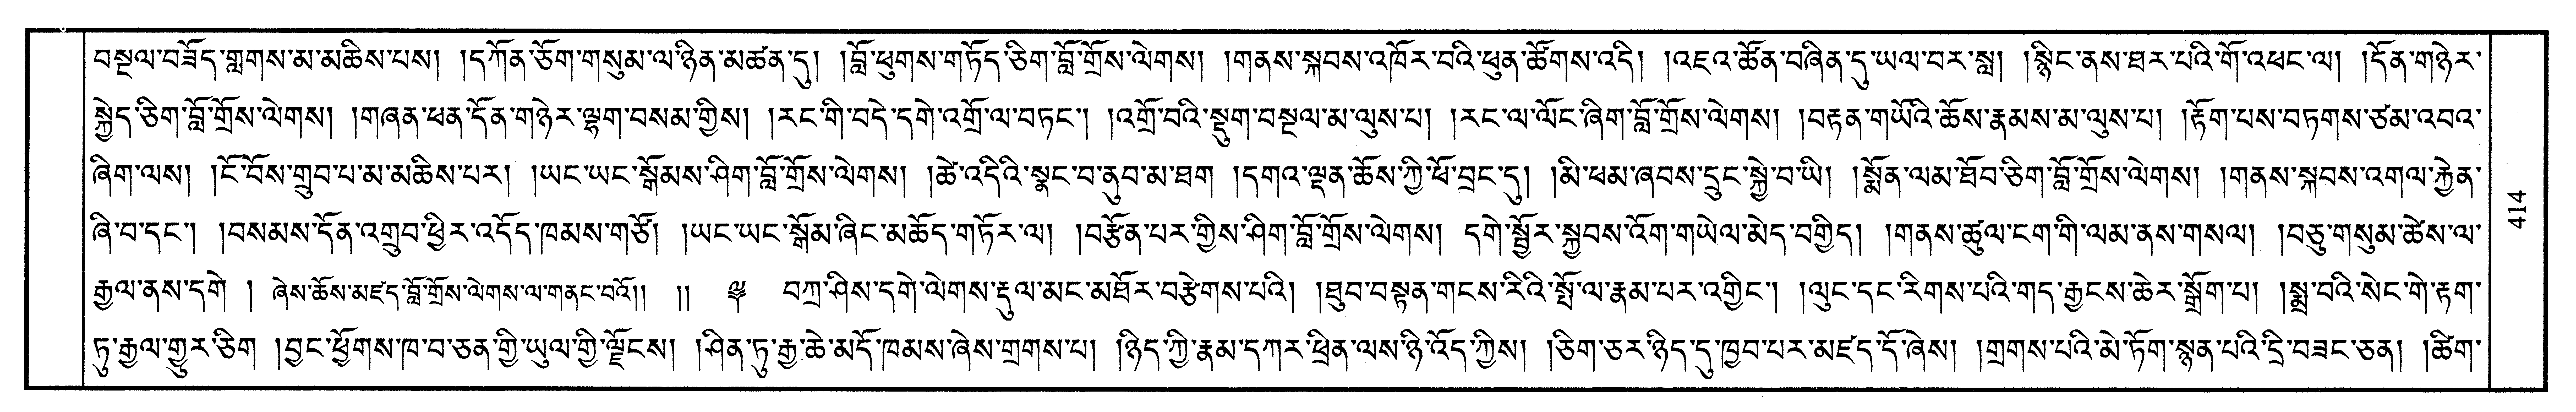བསྔལ་བཟོད་གླགས་མ་མཆིས་པས། །དཀོན་ཅོག་གསུམ་ལ་ཉིན་མཚན་དུ། །བློ་ཕུགས་གཏོད་ཅིག་བློ་གྲོས་ལེགས། །གནས་སྐབས་འཁོར་བའི་ཕུན་ཚོགས་འདི། །འཇའ་ཚོན་བཞིན་དུ་ཡལ་བར་སླ། །སྙིང་ནས་ཐར་པའི་གོ་འཕང་ལ། །དོན་གཉེར་
སྐྱེད་ཅིག་བློ་གྲོས་ལེགས། །གཞན་ཕན་དོན་གཉེར་ལྷག་བསམ་གྱིས། །རང་གི་བདེ་དགེ་འགྲོ་ལ་བཏང་། །འགྲོ་བའི་སྡུག་བསྔལ་མ་ལུས་པ། །རང་ལ་ལོང་ཞིག་བློ་གྲོས་ལེགས། །བརྟན་གཡོའི་ཆོས་རྣམས་མ་ལུས་པ། །རྟོག་པས་བཏགས་ཙམ་འབའ་
ཞིག་ལས། །ངོ་བོས་གྲུབ་པ་མ་མཆིས་པར། །ཡང་ཡང་སྒོམས་ཤིག་བློ་གྲོས་ལེགས། །ཚེ་འདིའི་སྣང་བ་ནུབ་མ་ཐག །དགའ་ལྡན་ཆོས་ཀྱི་ཕོ་བྲང་དུ། །མི་ཕམ་ཞབས་དྲུང་སྐྱེ་བ་ཡི། །སྨོན་ལམ་ཐོབ་ཅིག་བློ་གྲོས་ལེགས། །གནས་སྐབས་འགལ་རྐྱེན་
ཞི་བ་དང་། །བསམས་དོན་འགྲུབ་ཕྱིར་འདོད་ཁམས་གཙོ། །ཡང་ཡང་སྒོམ་ཞིང་མཆོད་གཏོར་ལ། །བརྩོན་པར་གྱིས་ཤིག་བློ་གྲོས་ལེགས། དགེ་སྦྱོར་སྐྱབས་འོག་གཡེལ་མེད་བགྱིད། །གནས་ཚུལ་ངག་གི་ལམ་ནས་གསལ། །བཅུ་གསུམ་ཚེས་ལ་
རྒྱལ་ནས་དགེ། ཞེས་ཆོས་མཛད་བློ་གྲོས་ལེགས་ལ་གནང་བའོ།། །། ༈ བཀྲ་ཤིས་དགེ་ལེགས་རྡུལ་མང་མཐོར་བརྩེགས་པའི། །ཐུབ་བསྟན་གངས་རིའི་སྤོ་ལ་རྣམ་པར་འགྱིང་། །ལུང་དང་རིགས་པའི་གད་རྒྱངས་ཆེར་སྒྲོག་པ། །སྨྲ་བའི་སེང་གེ་རྟག་
ཏུ་རྒྱལ་གྱུར་ཅིག །བྱང་ཕྱོགས་ཁ་བ་ཅན་གྱི་ཡུལ་གྱི་ལྗོངས། །ཤིན་ཏུ་རྒྱ་ཆེ་མདོ་ཁམས་ཞེས་གྲགས་པ། །ཉིད་ཀྱི་རྣམ་དཀར་ཕྲིན་ལས་ཉི་འོད་ཀྱིས། །ཅིག་ཅར་ཉིད་དུ་ཁྱབ་པར་མཛད་དོ་ཞེས། །གྲགས་པའི་མེ་ཏོག་སྙན་པའི་དྲི་བཟང་ཅན། །ཚིག་